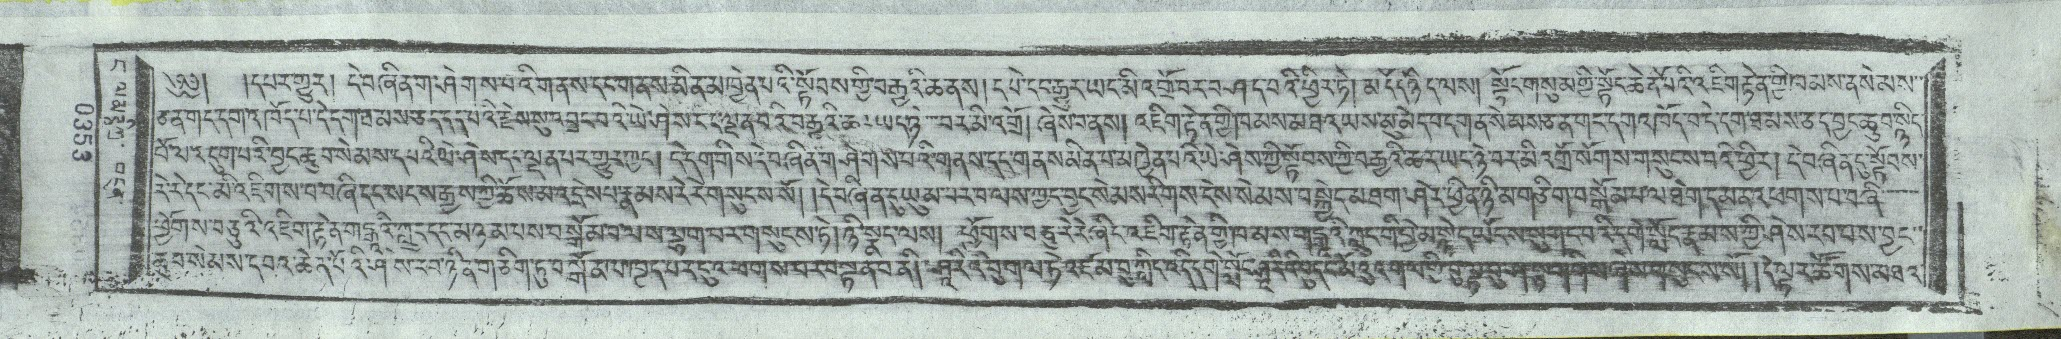༄༅། །དཔར་གྱུར། དེ་བཞིན་གཤེགས་པའི་གནས་དང་གནས་མིན་མཁྱེན་པའི་སྟོབས་གྱི་བརྒྱའི་ཆ་ནས། དཔེ་དང་རྒྱུར་ཡང་མི་འགྲོ་བར་བཤད་པའི་ཕྱིར་ཏེ། མདོ་དེ་ཉིད་ལས། སྟོང་གསུམ་གྱི་སྟོང་ཆེན་པོའི་འཇིག་རྟེན་གྱི་ཁམས་ན་སེམས་
ཅན་གང་དག་འཁོད་པ་དེ་དག་ཐམས་ཅད་དད་པའི་རྗེས་སུ་འབྲང་བའི་ཡེ་ཤེས་དང་ལྡན་པའི་བརྒྱའི་ཆར་ཡང་ཉེ་བར་མི་འགྲོ། ཞེས་པ་ནས། འཇིག་རྟེན་གྱི་ཁམས་མཐའ་ཡས་མུ་མེད་བདག་ན་སེམས་ཅན་གང་དགའ་ཁོད་བ་དེ་དག་ཐམས་ཅད་བྱང་ཆུབ་སྙིང་
པོ་ལ་འདུག་པའི་བྱང་ཆུབ་སེམས་དཔའི་ཡེ་ཤེས་དང་ལྡན་པར་གྱུར་ཀྱང་། དེ་དག་གིས་དེ་བཞིན་གཤེགས་པའི་གནས་དང་གནས་དང་གནས་མིན་པ་མཁྱེན་པའི་ཡེ་ཤེས་ཀྱི་སྟོབས་ཀྱི་བརྒྱའི་ཆར་ཡང་ཉེ་བར་མི་འགྲོ་སོགས་གསུངས་པའི་ཕྱིར། དེ་བཞིན་དུ་སྟོབས་
རི་རེ་དང་མི་འཇིགས་པ་བཞི་དང་སངས་རྒྱས་ཀྱི་ཆོས་མ་འདྲེས་པ་རྣམས་རེ་རེ་གསུངས་སོ། །དེ་བཞིན་དུ་ཡུམ་པར་བ་ལས་ཀྱང་བྱང་སེམས་རིགས་ངེས་སེམས་བསྐྱེད་མ་ཐག་ཤེར་ཕྱིན་ཉི་མ་གཅིག་བསྒོམ་པ་ལ་ཐེག་དམན་འཕགས་པ་བཞི་
ཕྱོགས་བཅུའི་འཇིག་རྟེན་གངྒཱའི་ཀླུང་དང་མཉམ་པས་བསྒོམ་བ་ལས་ལྷག་པར་གསུངས་ཏེ། ཉི་སྣང་ལས། ཕྱོགས་བཅུ་རེ་རེ་ཞིང་འཇིག་རྟེན་གྱི་ཁམས་གངྒཱའི་ཀླུང་གི་བྱེ་མ་སྙེད་ཡོངས་སུ་གང་བའི་དགེ་སློང་རྣམས་ཀྱི་ཤེས་རབ་པས་བྱང་
ཆུབ་སེམས་དཔའ་ཆེན་པོའི་ཤེས་རབ་ཉིན་གཅིག་ཏུ་བསྒོམ་པ་ཁྱད་པར་དུ་འཕགས་བར་བསྟན་པ་ནི། ཤཱ་རིའི་བུ་གལ་ཏེ་འཛམ་བུ་ཀླིང་འདི་དགེ་སློང་ཤཱ་རིའི་བུ་དང་མོའུ་འགལ་གྱི་བུ་ལྟ་བུ་ཤ་སྟག་གིས་ཞེས་གསུང་སོ། །དེ་ལྟར་ཚོགས་མཐའ་